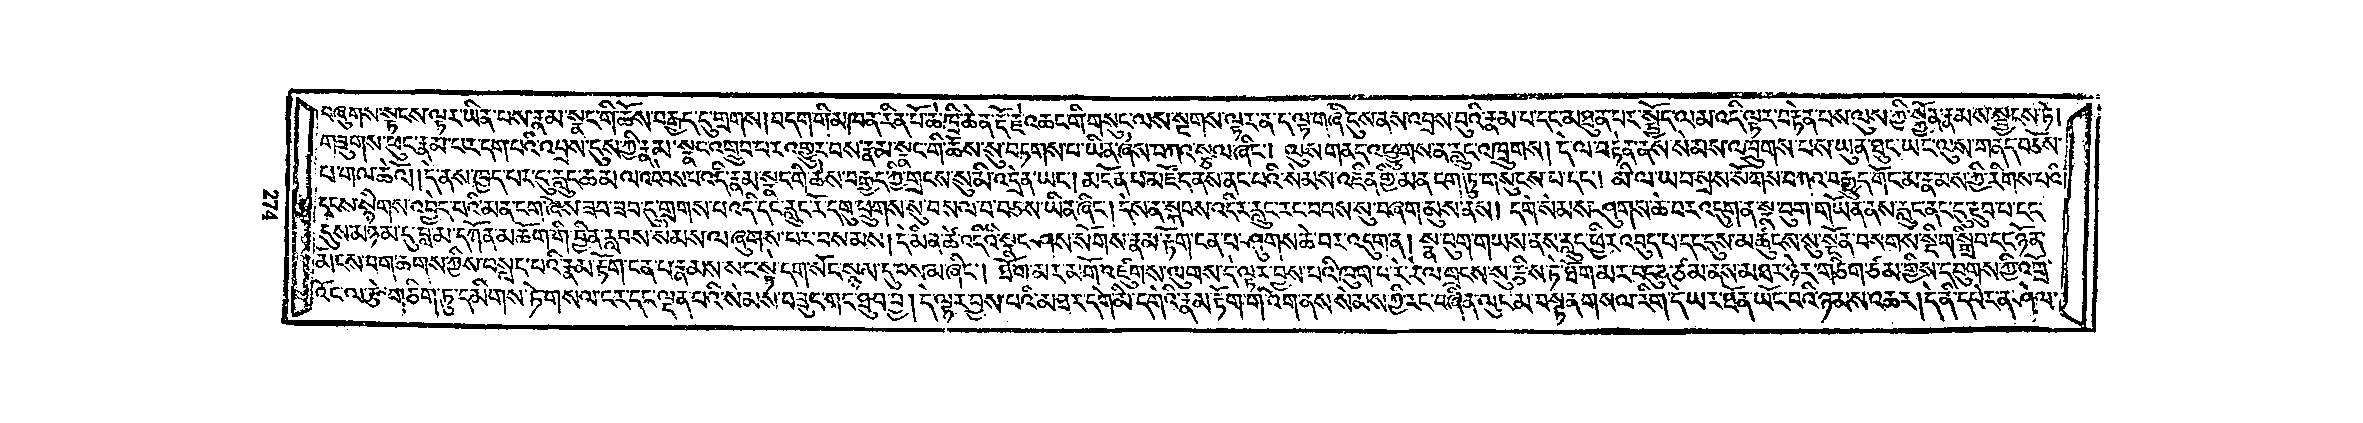བཞུགས་སྟངས་ལྟར་ཡིན་པས་རྣམ་སྣང་གི་ཆོས་བརྒྱད་དུ་གྲགས། བདག་གི་མཁན་རིན་པོ་ཆེ་ཁྲི་ཆེན་རྡོ་རྗེ་འཆང་གི་གསུང་ལས་སྔགས་ལྟར་ན་ད་ལྟ་གཞི་དུས་ནས་འབྲས་བུའི་རྣམ་པ་དང་མཐུན་པར་སྤྱོད་ལམ་འདི་ལྟར་བརྟེན་པས་ལུས་ཀྱི་སྐྱོན་རྣམས་སྦྱངས་ཏེ།
གཟུགས་ཕུང་རྣམ་པར་དག་པའི་འབྲས་དུས་ཀྱི་རྣམ་སྣང་འགྲུབ་པར་འགྱུར་བས་རྣམ་སྣང་གི་ཆོས་སུ་བཏགས་པ་ཡིན་ཞེས་བཀའ་སྩལ་ཞིང་། ལུས་གནད་འཕྱུགས་ན་རླུང་འཁྲུགས། དེ་ལ་བརྟེན་ནས་སེམས་འཁྲུགས་པས་ཡུན་ཐུང་ཡང་ལུས་གནད་བཅོས་
པ་གལ་ཆེའོ། །དེ་ནས་ཁྱད་པར་དུ་རླུང་ཆམ་ལ་འབེབས་པ་འདི་རྣམ་སྣང་གི་ཆེས་བརྒྱད་ཀྱི་གྲངས་སུ་མི་འདྲེན་ཡང་། མངོན་པ་མཛོད་ནས་ནང་པའི་སེམས་འཛིན་གྱི་མན་ངག་ཏུ་གསུངས་པ་དང་། མི་ལ་ཡབ་སྲས་སོགས་བཀའ་བརྒྱུད་གོང་མ་རྣམས་ཀྱི་རིགས་པའི་
དྭངས་སྙིགས་འབྱེད་པའི་མན་ངག་ཞེས་ཟབ་ཟབ་དུ་གྲགས་པ་འདི་དང་རླུང་རོ་དགུ་ཕྲུགས་སུ་བསལ་བ་བཅས་ཡིན་ཞིང་། དེས་ན་སྐབས་འདིར་རླུང་རང་བབས་སུ་བཞག་མུས་ནས། དགེ་སེམས་ཤུགས་ཆེ་བར་འདུག་ན་སྣ་བུག་གཡོན་ནས་རླུང་ནང་དུ་རྔུབ་པ་དང་
དུས་མཉམ་དུ་བླ་མ་དཀོན་མཆོག་གི་བྱིན་རླབས་སེམས་ལ་ཞུགས་པར་བསམས། དེ་མིན་ཚེ་འདིའི་སྣང་ཤས་སོགས་རྣམ་རྟོག་ངན་པ་ཤུགས་ཆེ་བར་འདུག་ན། སྣ་བུག་གཡས་ནས་རླུང་ཕྱིར་འབུད་པ་དང་དུས་མཚུངས་སུ་སྔོན་བསགས་སྡིག་སྒྲིབ་དང་ཉོན་
མོངས་བག་ཆགས་ཀྱིས་བསླང་པའི་རྣམ་རྟོག་ངན་པ་རྣམས་སང་སྟེ་དག་སོང་སྙམ་དུ་བསམ་ཞིང་། ཐོག་མར་མགོ་འཛུགས་ལུགས་དེ་ལྟར་བྱས་པའི་ཁུག་པ་རེ་རེ་ལ་གྲངས་སུ་རྩིས་ཏེ་ཐོག་མར་བདུན་ཙམ་ནས་མཐར་ཉེར་གཅིག་ཙམ་གྱིས་དབུགས་ཀྱི་འགྲོ་
འོང་ལ་རྩེ་གཅིག་ཏུ་དམིགས་ཏེ་གསལ་ངར་དང་ལྡན་པའི་སེམས་བཟུང་གང་ཐུབ་བྱ། དེ་ལྟར་བྱས་པའི་མཐར་དགེ་མི་དགེའི་རྣམ་རྟོག་གི་འོག་ནས་སེམས་ཀྱི་རང་བཞིན་ལུང་མ་བསྟན་གསལ་རིག་དེ་ཡར་ཐོན་ཡོང་བའི་ཉམས་འཆར། དེ་ནི་དཔེར་ན་ཤེལ་